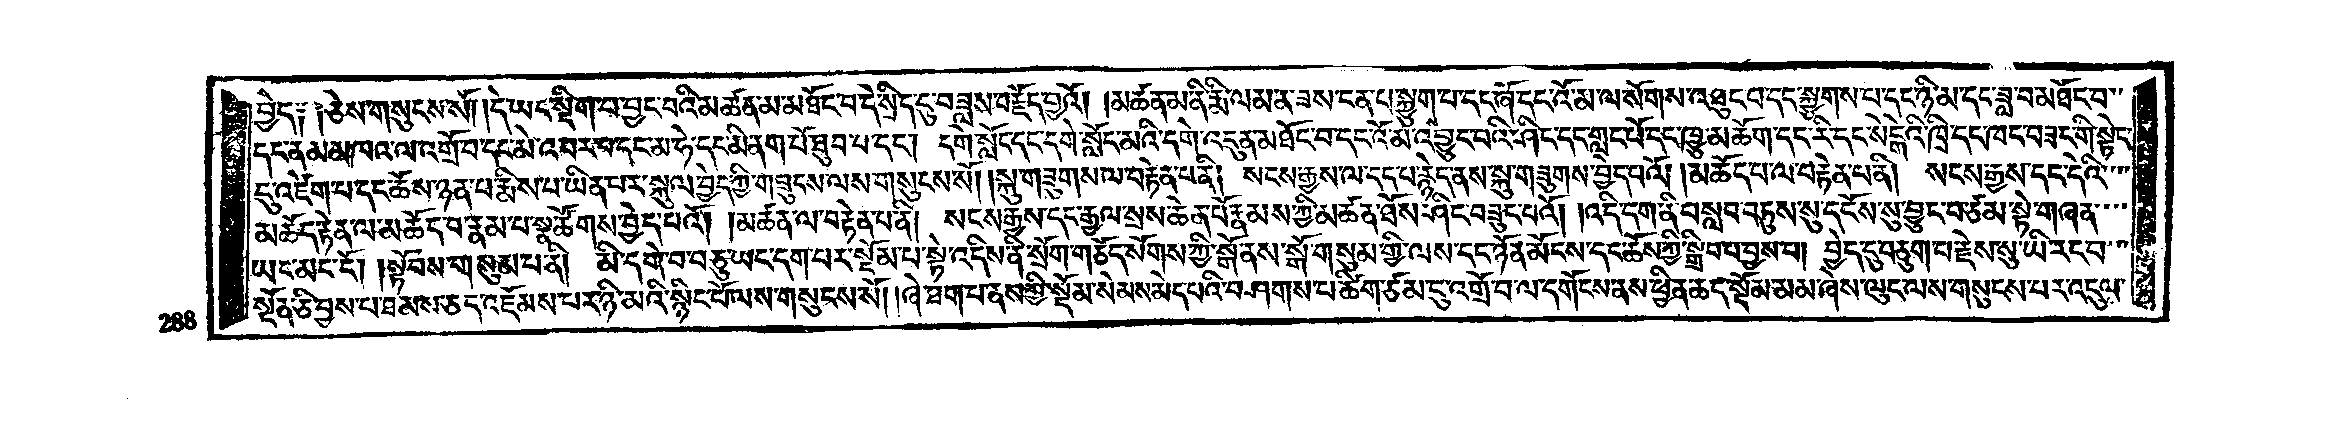བྱེད༑ ༑ཅེས་གསུངས་སོ། །དེ་ཡང་སྡིག་པ་བྱང་བའི་མཚན་མ་མཐོང་བ་དེ་སྲིད་དུ་བཟླས་བརྗོད་བྱའོ། །མཚན་མ་ནི་རྨི་ལམ་ན་ཟས་ངན་པ་སྐྱུག་པ་དང་ཞོ་དང་འོ་མ་ལ་སོགས་འཐུང་བ་དང་སྐྱུགས་པ་དང་ཉི་མ་དང་ཟླ་བ་མཐོང་བ་
དང་ནམ་མཁའ་ལ་འགྲོ་བ་དང་མེ་འབར་བ་དང་མ་ཧེ་དང་མི་ནག་པོ་ཐུབ་པ་དང་། དགེ་སློང་དང་དགེ་སློང་མའི་དགེ་འདུན་མཐོང་བ་དང་འོ་མ་འབྱུང་བའི་ཤིང་དང་གླང་པོ་དང་ཁྱུ་མཆོག་དང་རི་དང་སེངྒེའི་ཁྲི་དང་ཁང་བཟང་གི་སྟེང་
དུ་འཛེག་པ་དང་ཆོས་ཉན་པ་རྨིས་པ་ཡིན་པར་སྐུལ་བྱེད་ཀྱི་གཟུངས་ལས་གསུངས་སོ། །སྐུ་གཟུགས་ལ་བརྟེན་པ་ནི། སངས་རྒྱས་ལ་དད་པ་རྙེད་ནས་སྐུ་གཟུགས་བྱེད་པའོ། །མཆོད་པ་ལ་བརྟེན་པ་ནི། སངས་རྒྱས་དང་དེའི་
མཆོད་རྟེན་ལ་མཆོད་པ་རྣམ་པ་སྣ་ཚོགས་བྱེད་པའོ། །མཚན་ལ་བརྟེན་པ་ནི། སངས་རྒྱས་དང་རྒྱལ་སྲས་ཆེན་པོ་རྣམས་ཀྱི་མཚན་ཐོས་ཤིང་བཟུང་བའོ། །འདི་དག་ནི་བསླབ་བཏུས་སུ་དངོས་སུ་བྱུང་བ་ཙམ་སྟེ་གཞན་
ཡང་མང་ངོ། །སྟོབས་གསུམ་པ་ནི། མི་དགེ་བ་བཅུ་ཡང་དག་པར་སྡོམ་པ་སྟེ་འདིས་ནི་སྲོག་གཅོད་སོགས་ཀྱི་སྒོ་ནས་སྒོ་གསུམ་གྱི་ལས་དང་ཉོན་མོངས་དང་ཆོས་ཀྱི་སྒྲིབ་པ་བྱས་པ། བྱེད་དུ་བཅུག་པ་རྗེས་སུ་ཡི་རང་བ་
སྔོན་ཅི་བྱས་པ་ཐམས་ཅད་འཇོམས་པར་ཉི་མའི་སྙིང་པོ་ལས་གསུངས་སོ། །ཞེ་ཐག་པ་ནས་ཀྱི་སྡོམ་སེམས་མེད་པའི་བཤགས་པ་ཚིག་ཙམ་དུ་འགྲོ་བ་ལ་དགོངས་ནས་ཕྱིན་ཆད་སྡོམ་མམ་ཞེས་ལུང་ལས་གསུངས་པར་འདུལ་